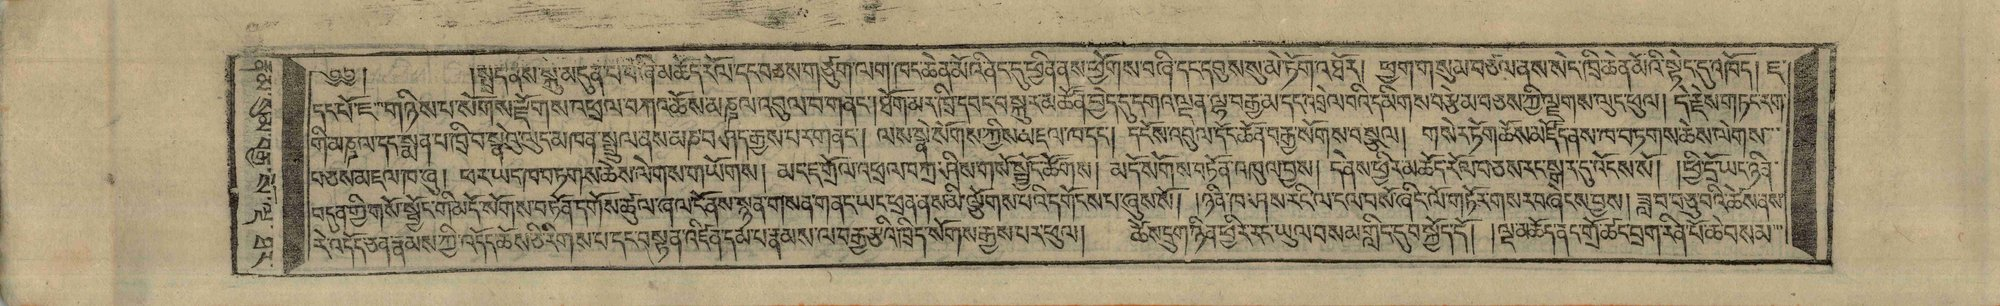༄༅། །སྤྲད་ནས་སྐུ་མདུན་པ་བཞི་མཆོད་རོལ་དང་བཅས་གཙུག་ལག་ཁང་ཆེན་མོའི་ནང་དུ་ཕྱིན་ནས་ཕྱོགས་བཞི་དང་དབུས་སུ་མེ་ཏོག་འཐོར། ཕྱག་གསུམ་བཙལ་ནས་སེང་ཁྲི་ཆེན་མོའི་སྟེང་དུ་འཁོད། ཇ་
དང་པོ་ཇ་གཉིས་པ་སོགས་རྫོགས་འཕྲལ་བཀའ་ཆོས་མཎྜལ་འབུལ་བ་གནང་། ཐོག་མར་ཁྲི་དབང་བསྐུར་མཚོན་བྱེད་དུ་དགའ་ལྡན་ལྷ་བརྒྱ་མ་དང་འབྲེལ་བའི་དམིགས་བརྩེ་མ་བཅས་ཀྱི་ལྗགས་ལུང་ཕུལ། དེ་རྗེས་གཏང་རག་
གི་མཎྜལ་དང་སྨན་པ་ཁྲི་བ་སྣེའུ་ལུང་མཁན་སྤྲུལ་ནས་མཎ་བཤད་རྒྱས་པར་གནང་། ལས་སྣེ་སོགས་ཀྱིས་མཇལ་ཁ་དང་། དངོས་འབུལ་དོང་ཆོན་བརྒྱ་སོགས་བསྩལ། གསེར་ཏོག་ཆོས་མཛོད་ནས་ཁ་བཏགས་ཆེས་ལེགས་
བཅས་མཇལ་ཁ་ཞུ། ཕར་ཡང་ཁ་བཏགས་ཆེས་ལེགས་གཡོགས། མང་ཇ་གྲོལ་འཕྲལ་བཀྲ་ཤིས་གསོ་སྦྱོང་ཚོགས། མདོ་སོགས་བཏོན་འཁུལ་བྱས། དེ་ནས་ཕྱིར་མཆོད་རོལ་བཅས་རང་སྒར་དུ་འོངས་སོ། །ཕྱི་དྲོ་ཡང་ཉིན་
བདུན་གྱི་གསོ་སྦྱོང་གི་མདོ་སོགས་བཏོན་དགོས་ཚུལ་ཞལ་ངོ་ནས་སྙན་གསན་གནང་ཡང་ཕྲན་ནས་མི་ལྕོགས་པའི་དགོངས་པ་ཞུས་སོ། །ཉིན་ཁ་ཤས་རིང་ལ་ངལ་བསོ་ཞིང་ལོ་གཏོར་གསར་བཞེངས་བྱས། ཟླ་བ་བཅུ་པའི་ཚེས་ནས་
རེ་འདོད་ཅན་རྣམས་ཀྱི་འདོད་ཆོས་ཅི་རིགས་པ་དང་བསྟན་འཛིན་དམ་པ་རྣམས་ལ་བརྒྱ་རྩའི་ཁྲིད་སོགས་རྒྱས་པར་ཕུལ། ཚེས་དྲུག་ཉིན་ཕྱིར་རང་ཡུལ་བསམ་གླིང་དུ་བསྐྱོད་དོ། །ལྔ་མཆོད་ནང་གྲོ་ཚང་བྲག་རིན་པོ་ཆེ་བསམ་